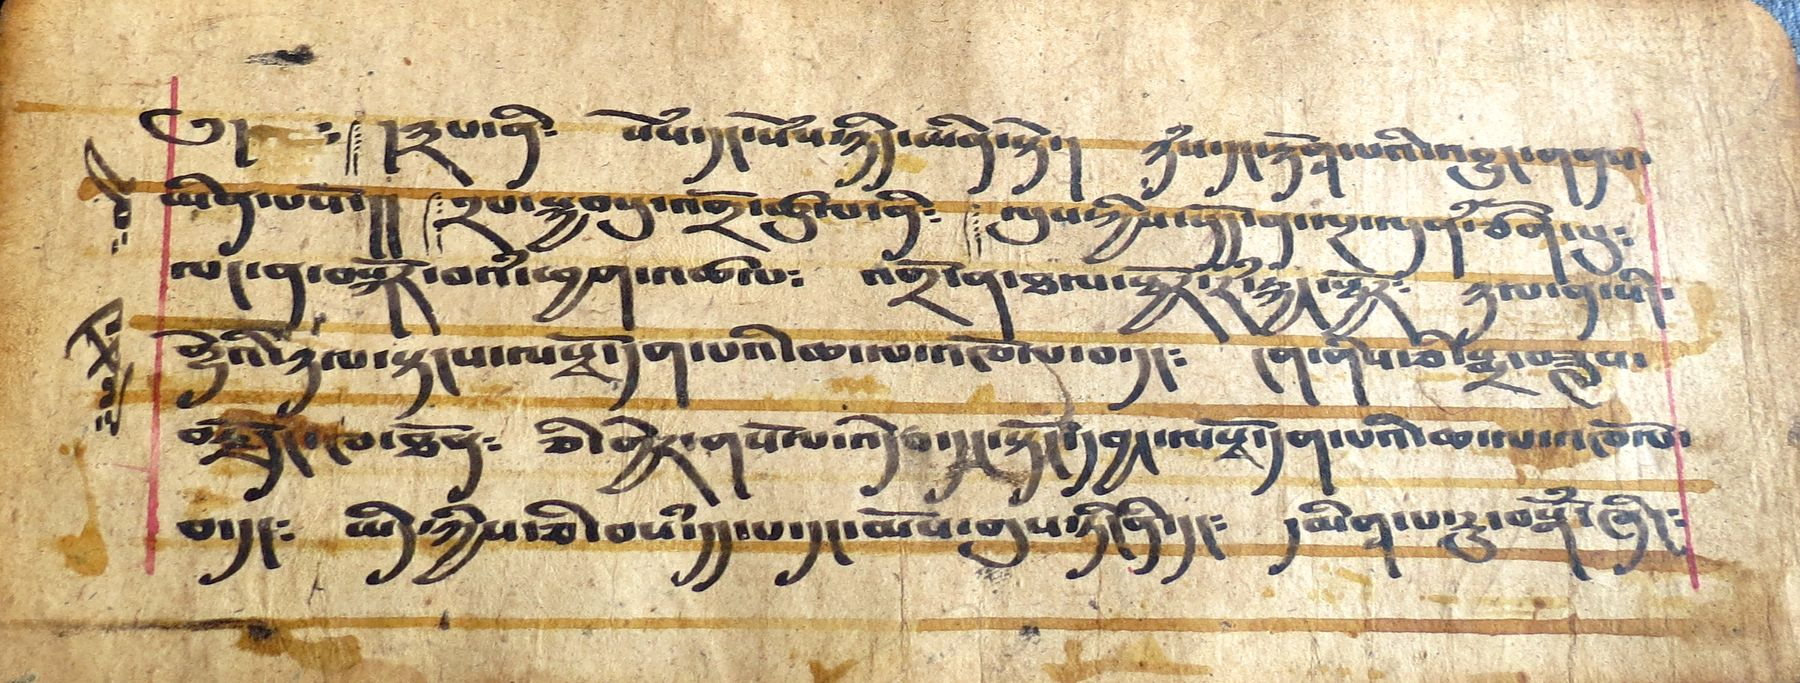གསུམ་པ་༼གསང་བ༽ནི། སེམས་དང་སེམས་ཉིད་ཡིན་ཏེ། ཉམས་དང་རྟོགས་པ་འབྱུང་གནས་
ཡིན་པའོ། ། གཉིས་པ་སྐྱབས་སུ་འགྲོ་ཚུལ་ནི། ལུས་ཀྱི་སྡོད་ཚུལ་ལྔ་ལྡན་ནམ་ཅོག་པུ། 
ལངས་ན་བསྐོར་བའམ་ཕྱག་འཚལ་ལོ། འགྲོ་ན་ཐལ་སྦྱོར་རམ་རྐྱང་སྦྱོར། ཉལ་ན་སེང་
གེའི་ཉལ་སྟངས་ལ་སོགས་ལ་དག་པའི་ཆ་ལ་འཁོལ་བ་དང་། ངག་གིས་ཅི་སྨྲས་བཟླས་
བརྗོད་ཁ་ཐོན། ཅི་གྱེར་གསོལ་འདེབས་དང་བསྟོད་དབྱངས་ལ་སོགས་དག་པའི་ཆ་ལ་འཁོལ་
བ་དང་། ཡིད་ཀྱིས་ཅི་བསམ་དང་དད་པ་དང་མོས་གུས་ཏིང་ངེ་འཛིན་དང་དམིགས་པ་རུ་བསྒོམ་ཞིང་